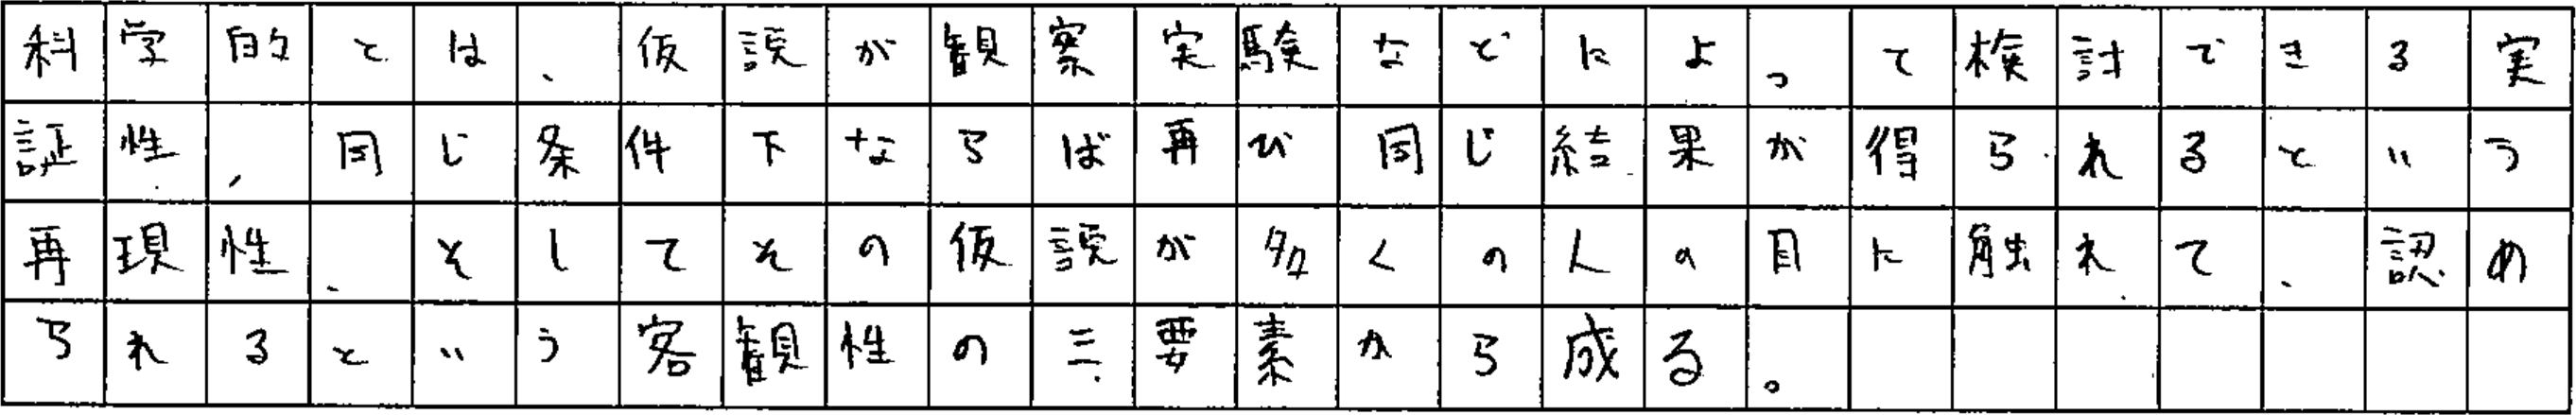科学的とは、仮説が観察実験などによって検討できる実証性、同じ条件下ならば再び同じ結果が得られるという再現性、そしてその仮説が多くの人の目に触れて、認められるという客観性の三要素から成る。
